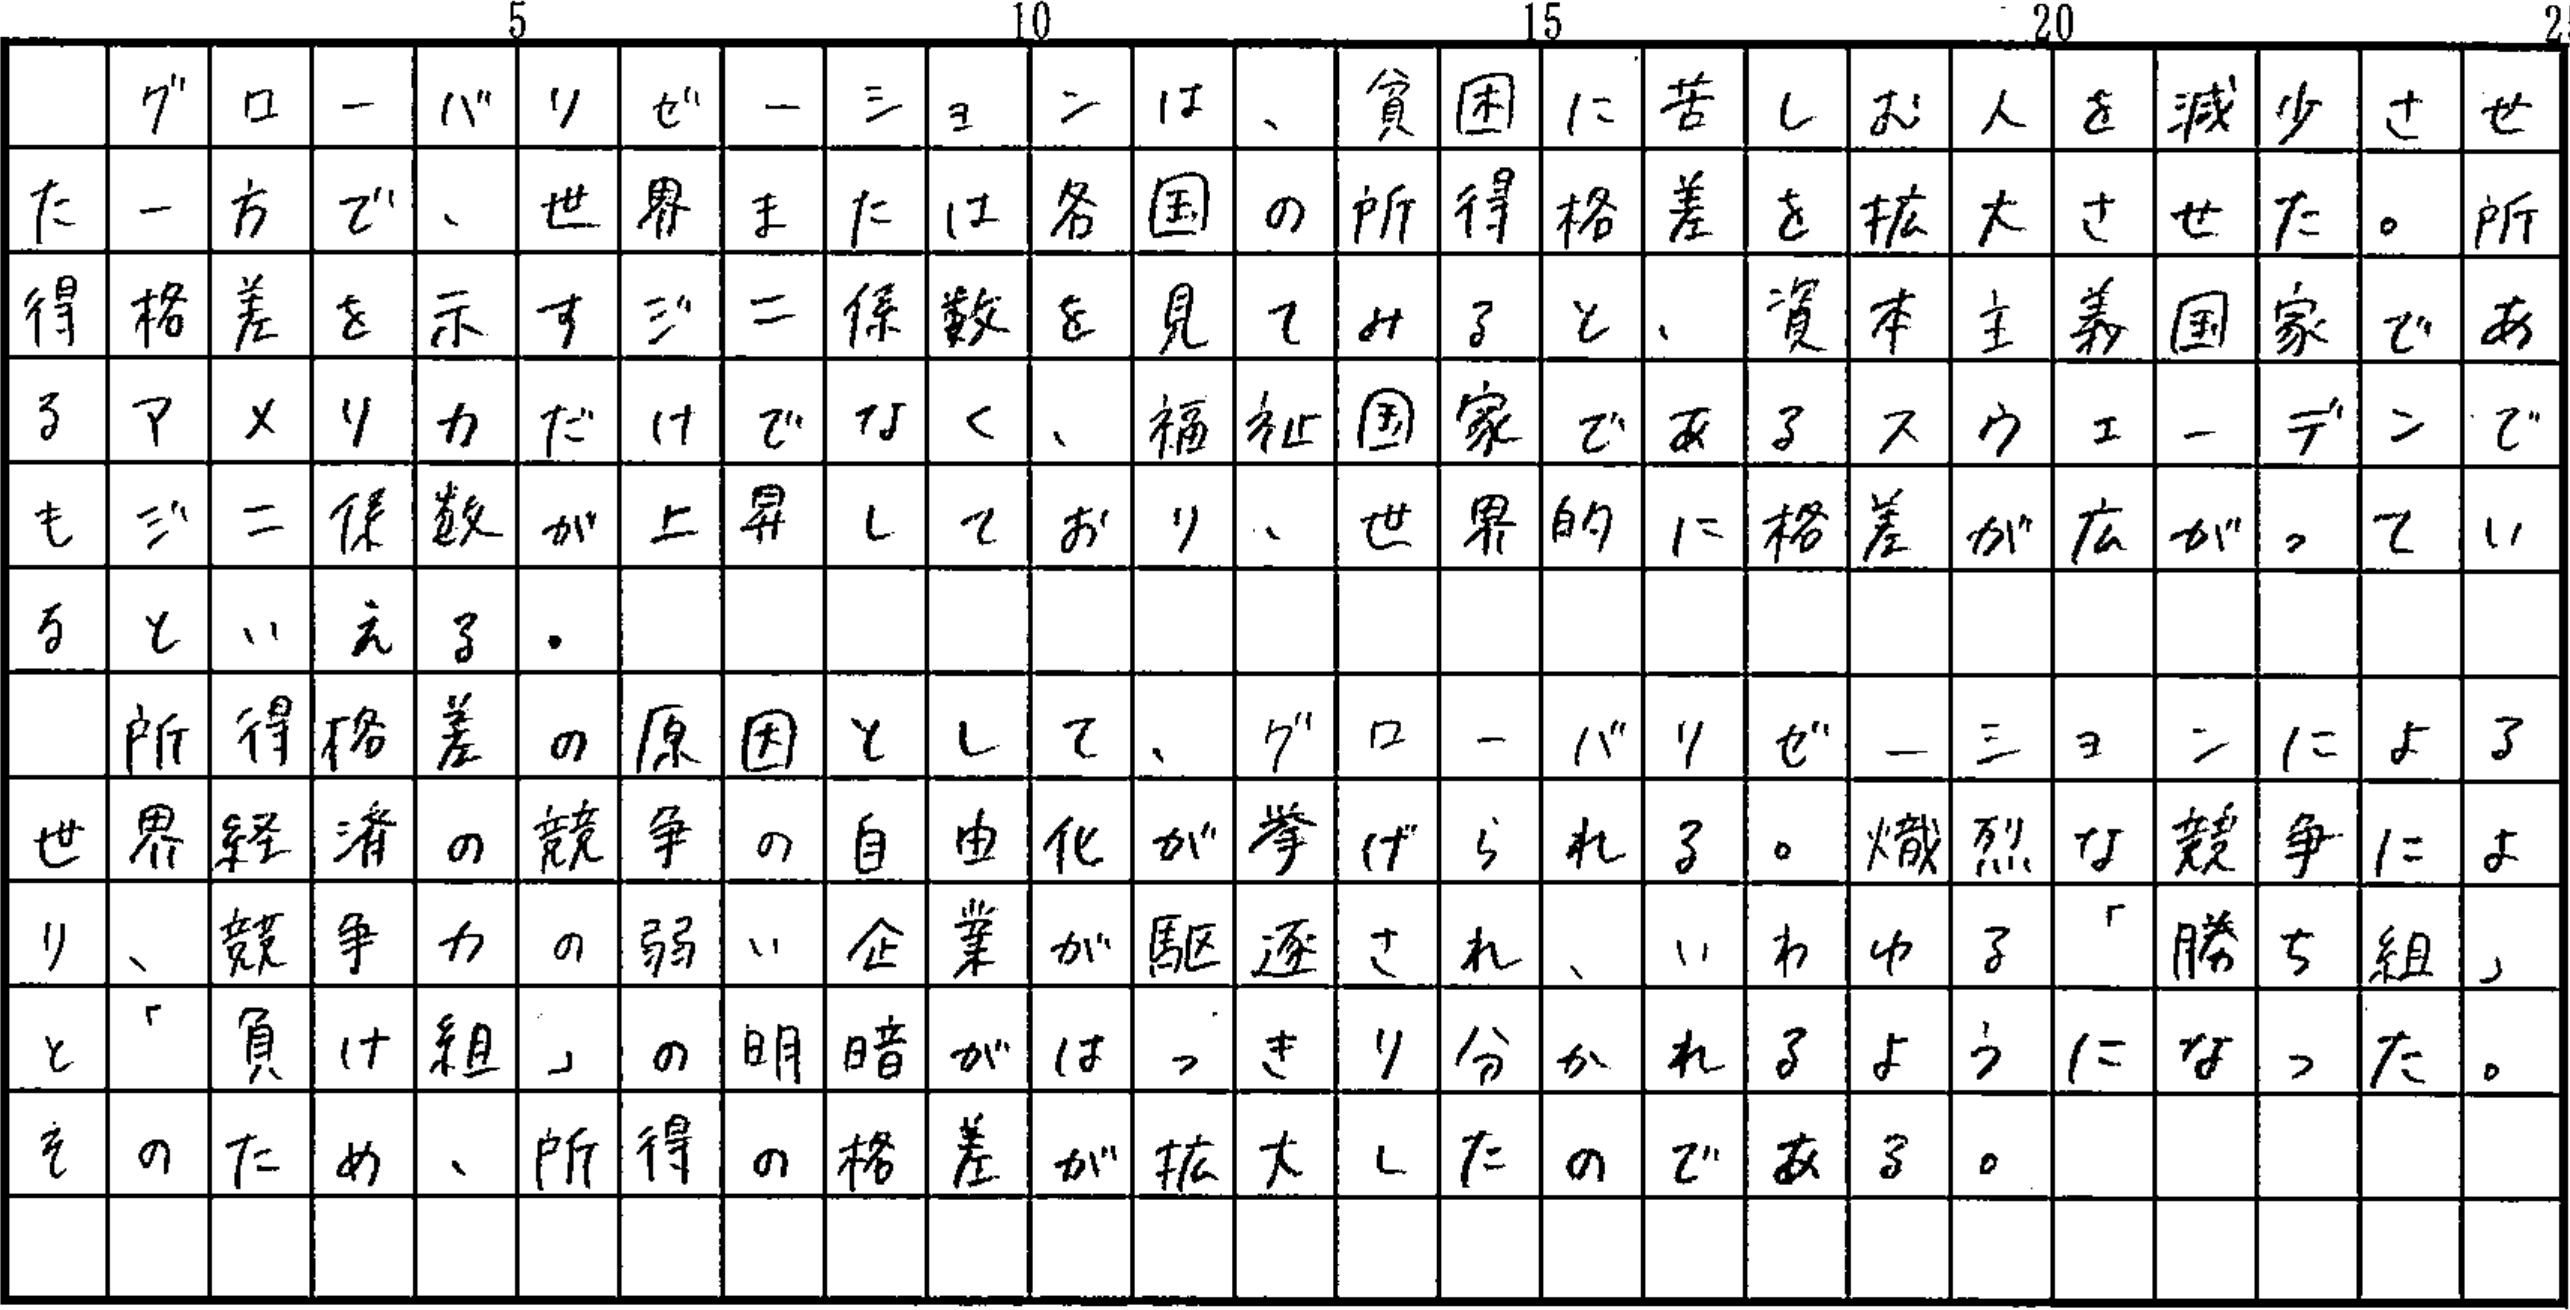　グローバリゼーションは、貧困に苦しむ人を減少させた一方で、世界または各国の所得格差を拡大させた。所得格差を示すジニ係数を見てみると、資本主義国家であるアメリカだけでなく、福祉国家であるスウェーデンでもジニ係数が上昇しており、世界的に格差が広がっているといえる。
　所得格差の原因として、グローバリゼーションによる世界経済の競争の自由化が挙げられる。熾烈な競争により、競争力の弱い企業が駆逐され、いわゆる「勝ち組」と「負け組」の明暗がはっきり分かれるようになった。そのため、所得の格差が拡大したのである。
